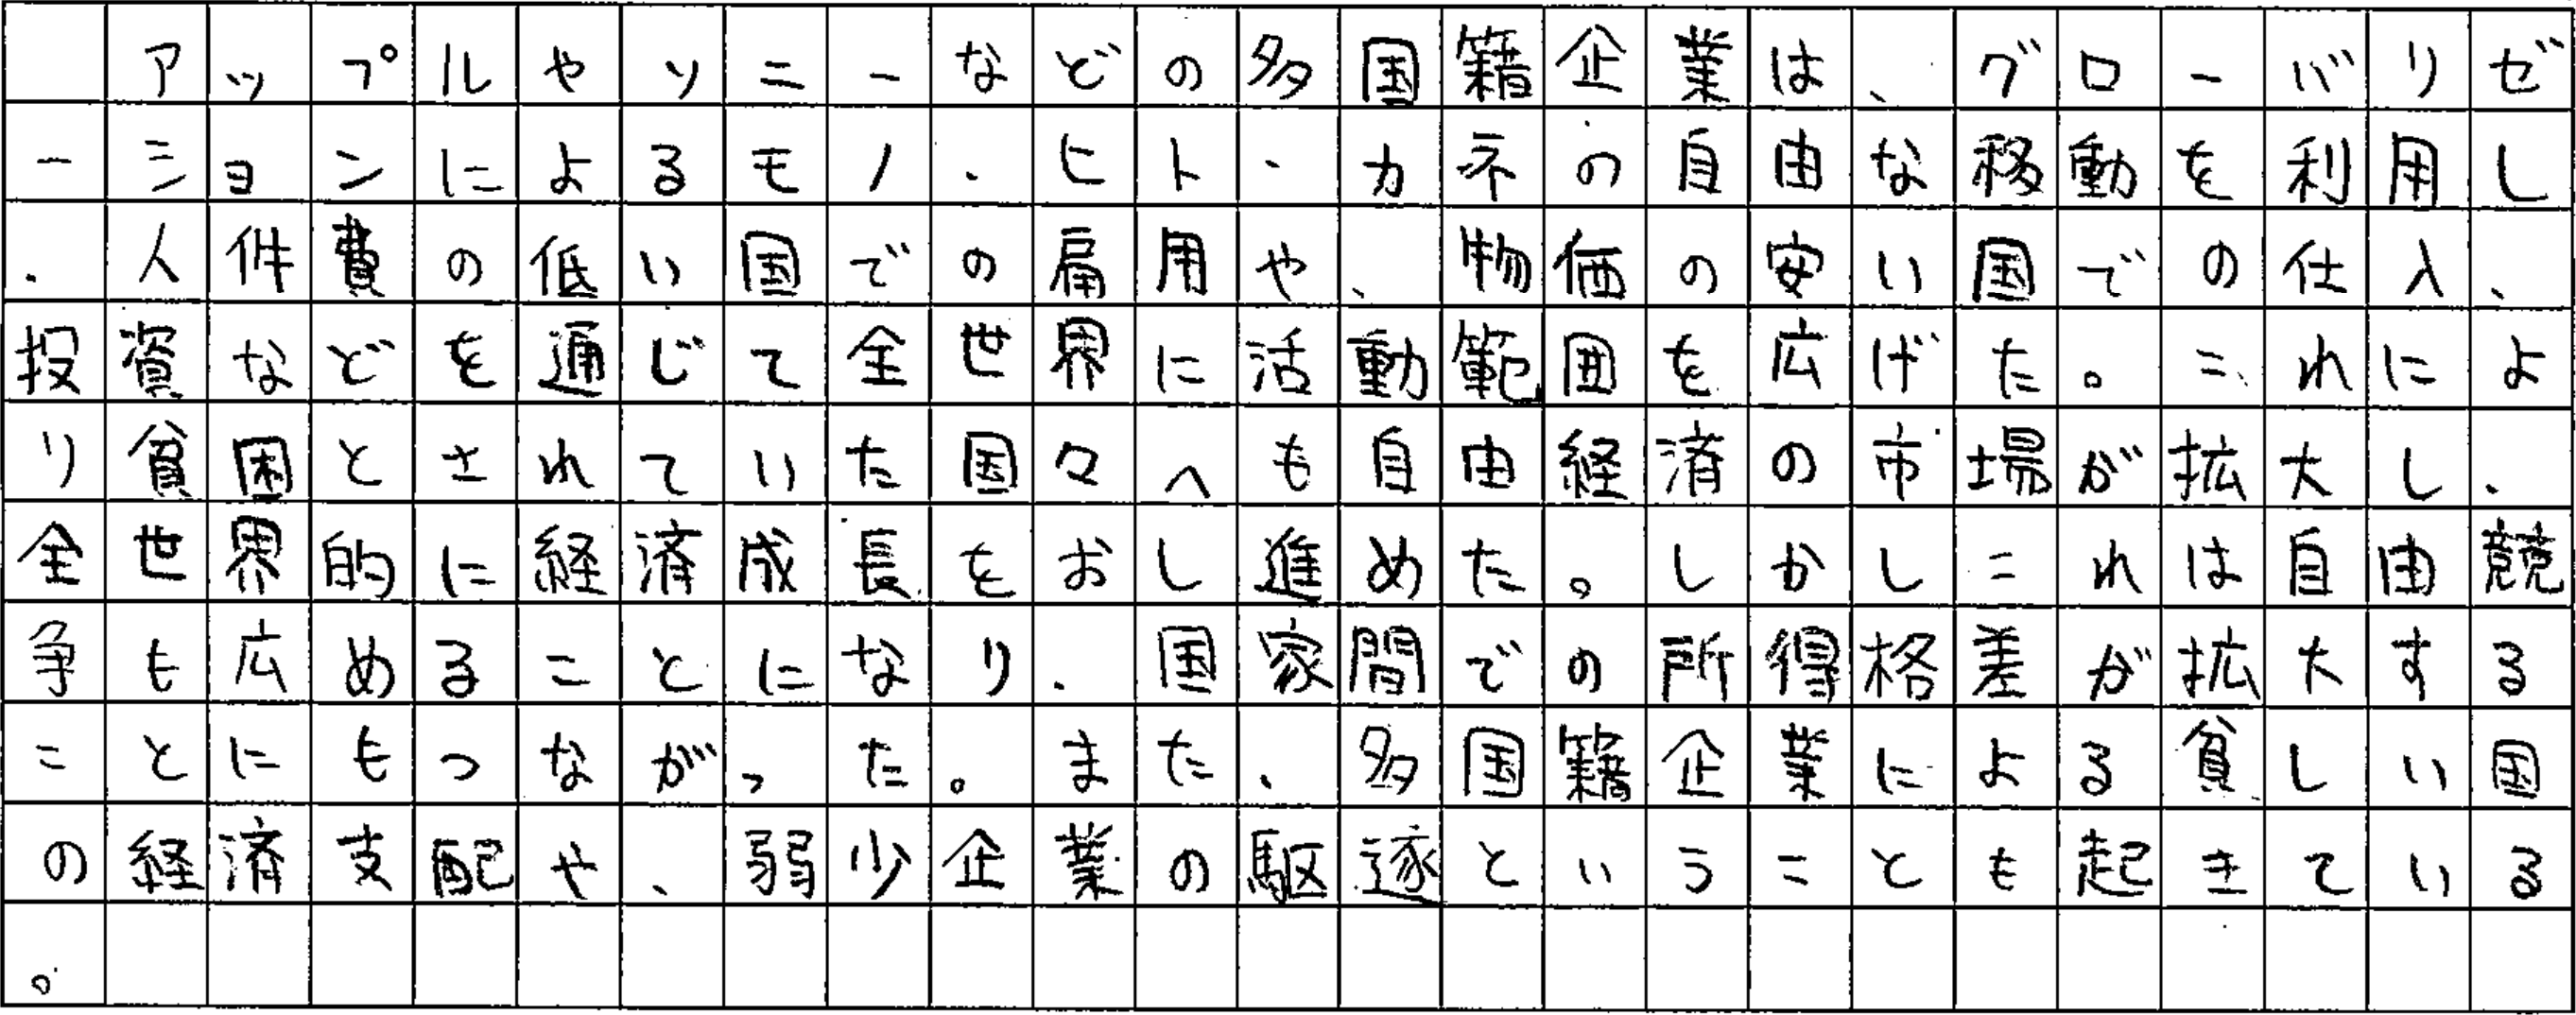　アップルやソニーなどの多国籍企業は、グローバリゼーションによるモノ・ヒト・カネの自由な移動を利用し、人件費の低い国での▁用や、物価の安い国での仕入、投資などを通じて全世界に活動範囲を広げた。これにより貧困とされていた国々へも自由経済の市場が拡大し、全世界的に経済成長をおし進めた。しかしこれは自由競争も広めることになり、国家間での所得格差が拡大することにもつながった。また、多国籍企業による貧しい国の経済支配や、弱小企業の駆逐ということも起きている。
